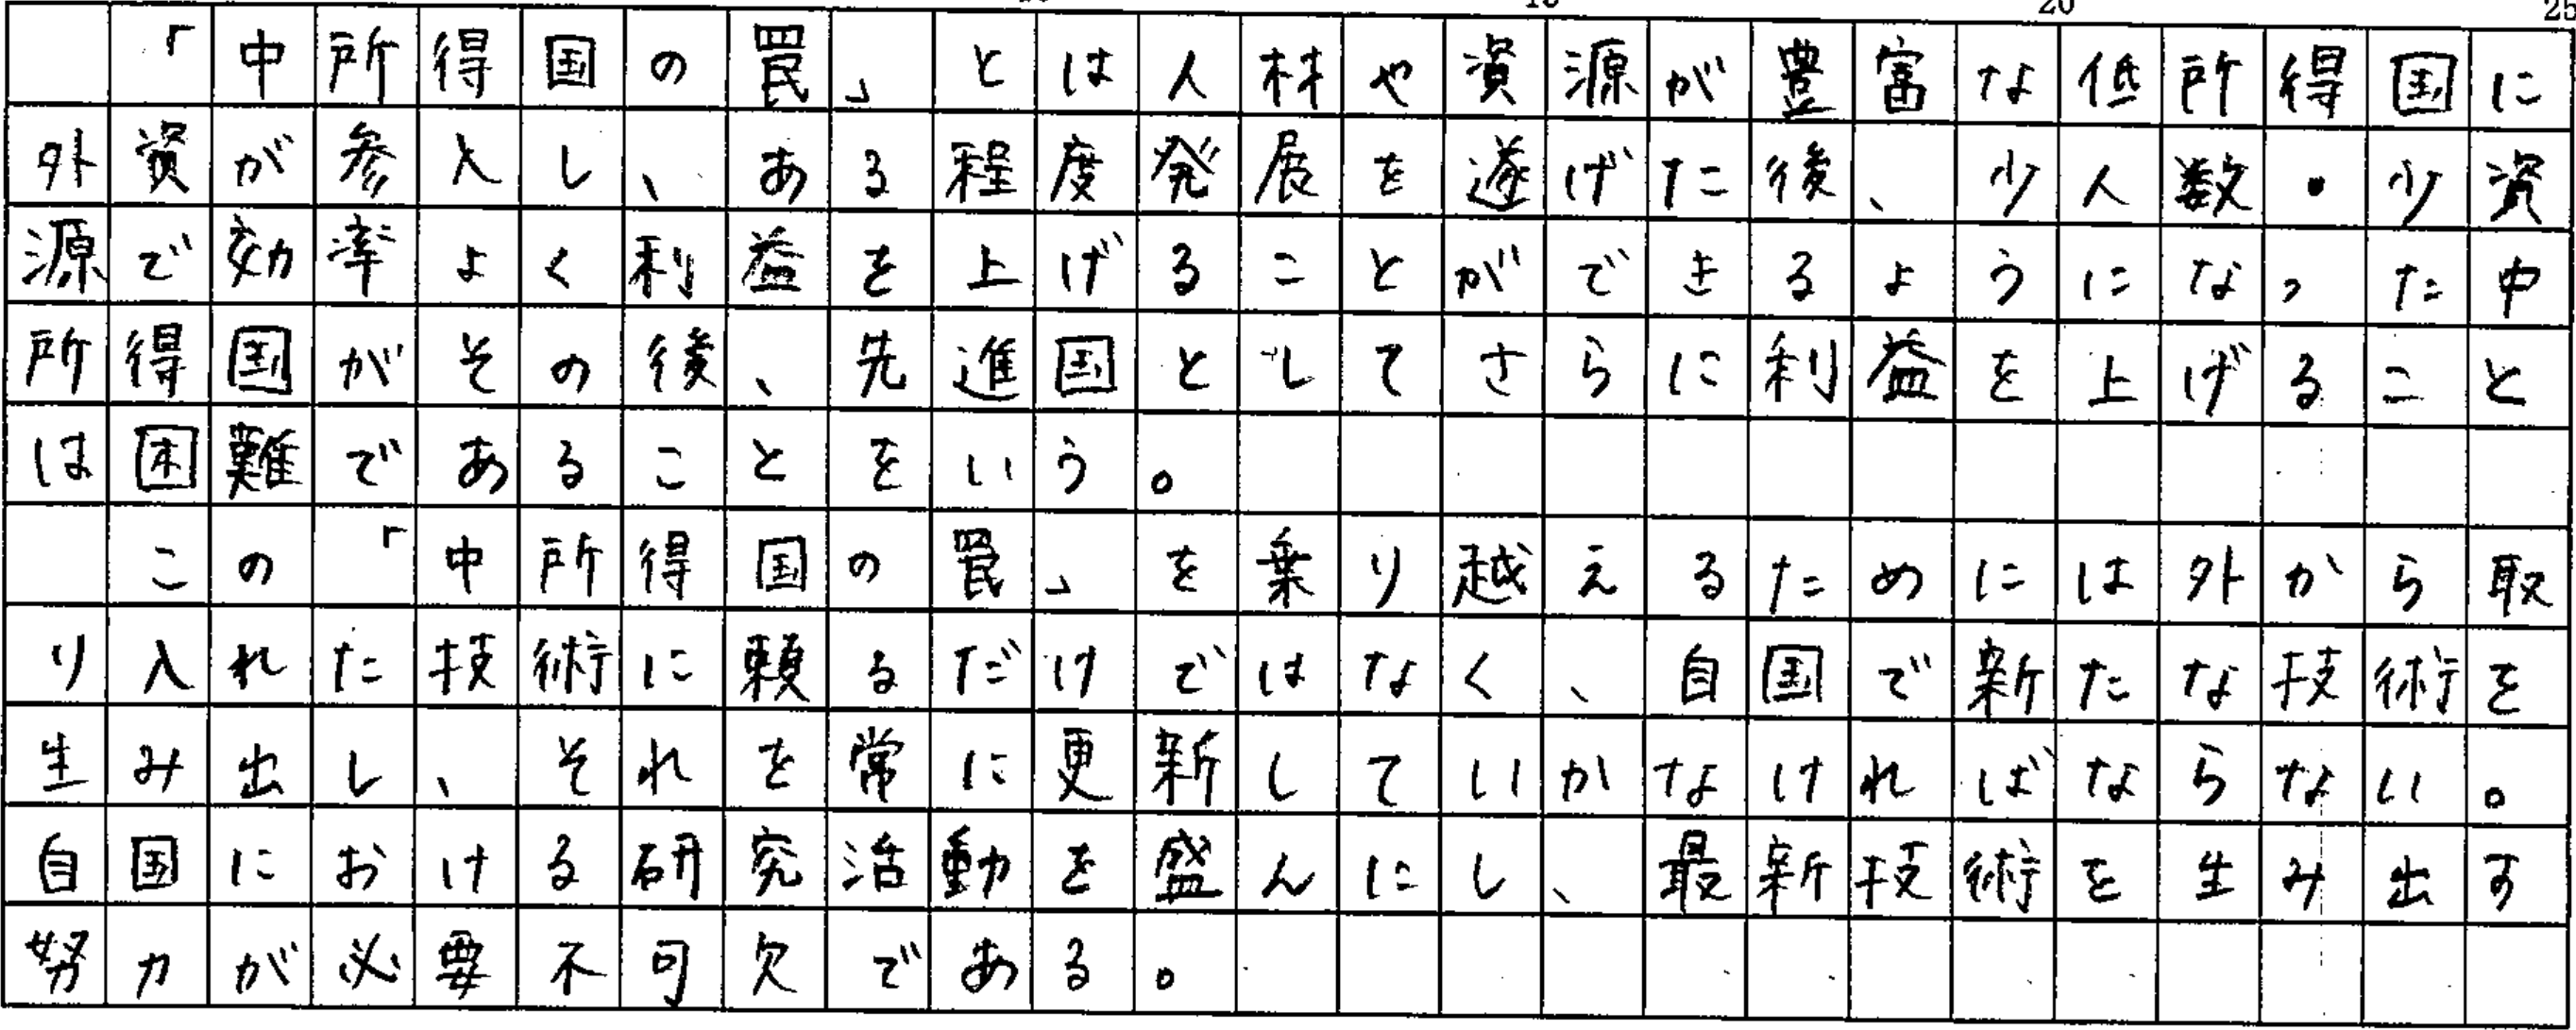　「中所得国の罠」とは人材や資源が豊富な低所得国に外資が参入し、ある程度発展を遂げた後、少人数・少資源で効率よく利益を上げることができるようになった中所得国がその後、先進国としてさらに利益を上げることは困難であることをいう。
　この「中所得国の罠」を乗り越えるためには外から取り入れた技術に頼るだけではなく、自国で新たな技術を生み出し、それを常に更新していかなければならない。自国における研究活動を盛んにし、最新技術を生み出す努力が必要不可欠である。
